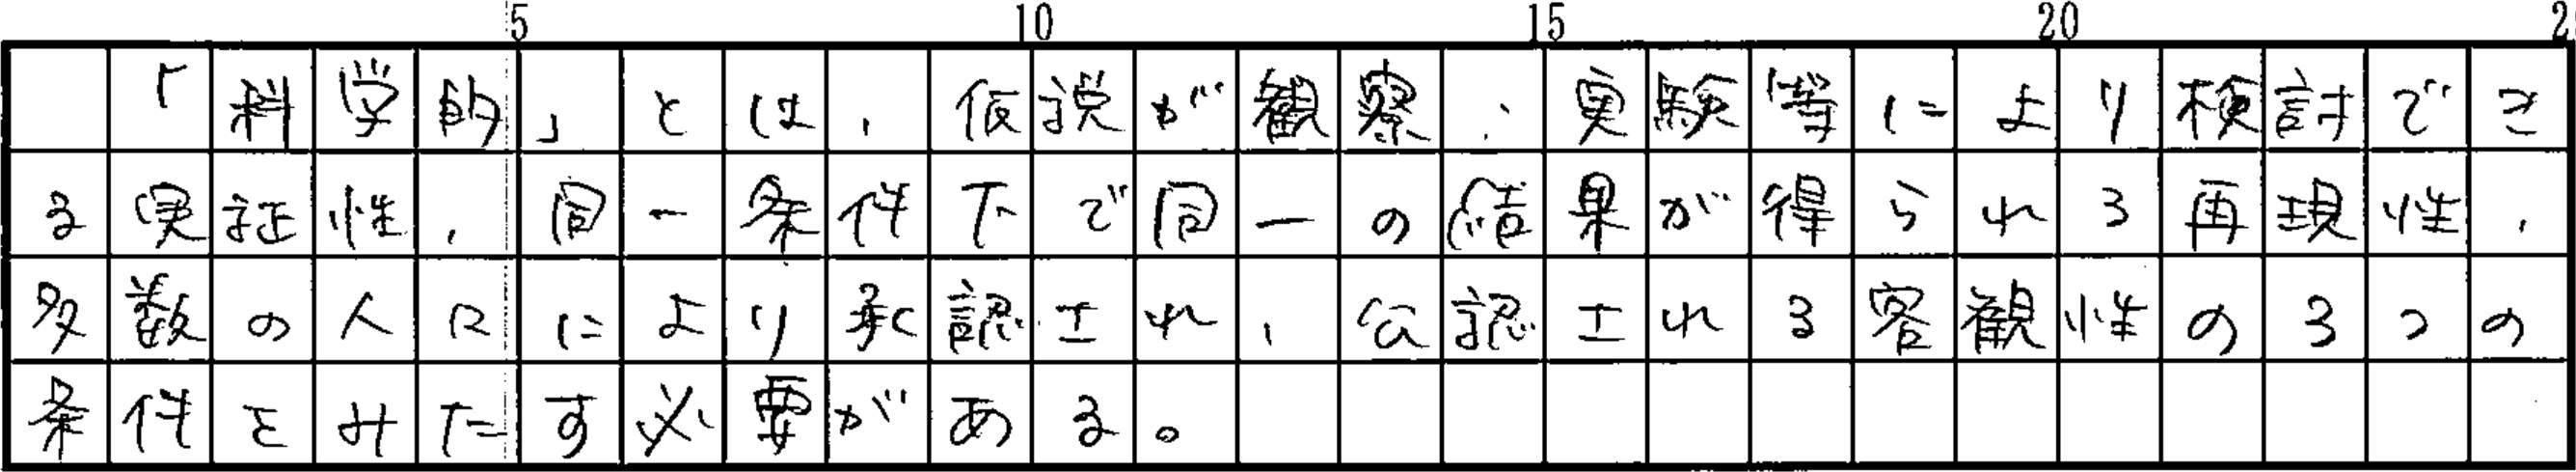　「科学的」とは、仮説が観察・実験等により検討できる実証性、同一条件下で同一の結果が得られる再現性、多数の人々により承認され、公認される客観性の３つの条件を満たす必要がある。
